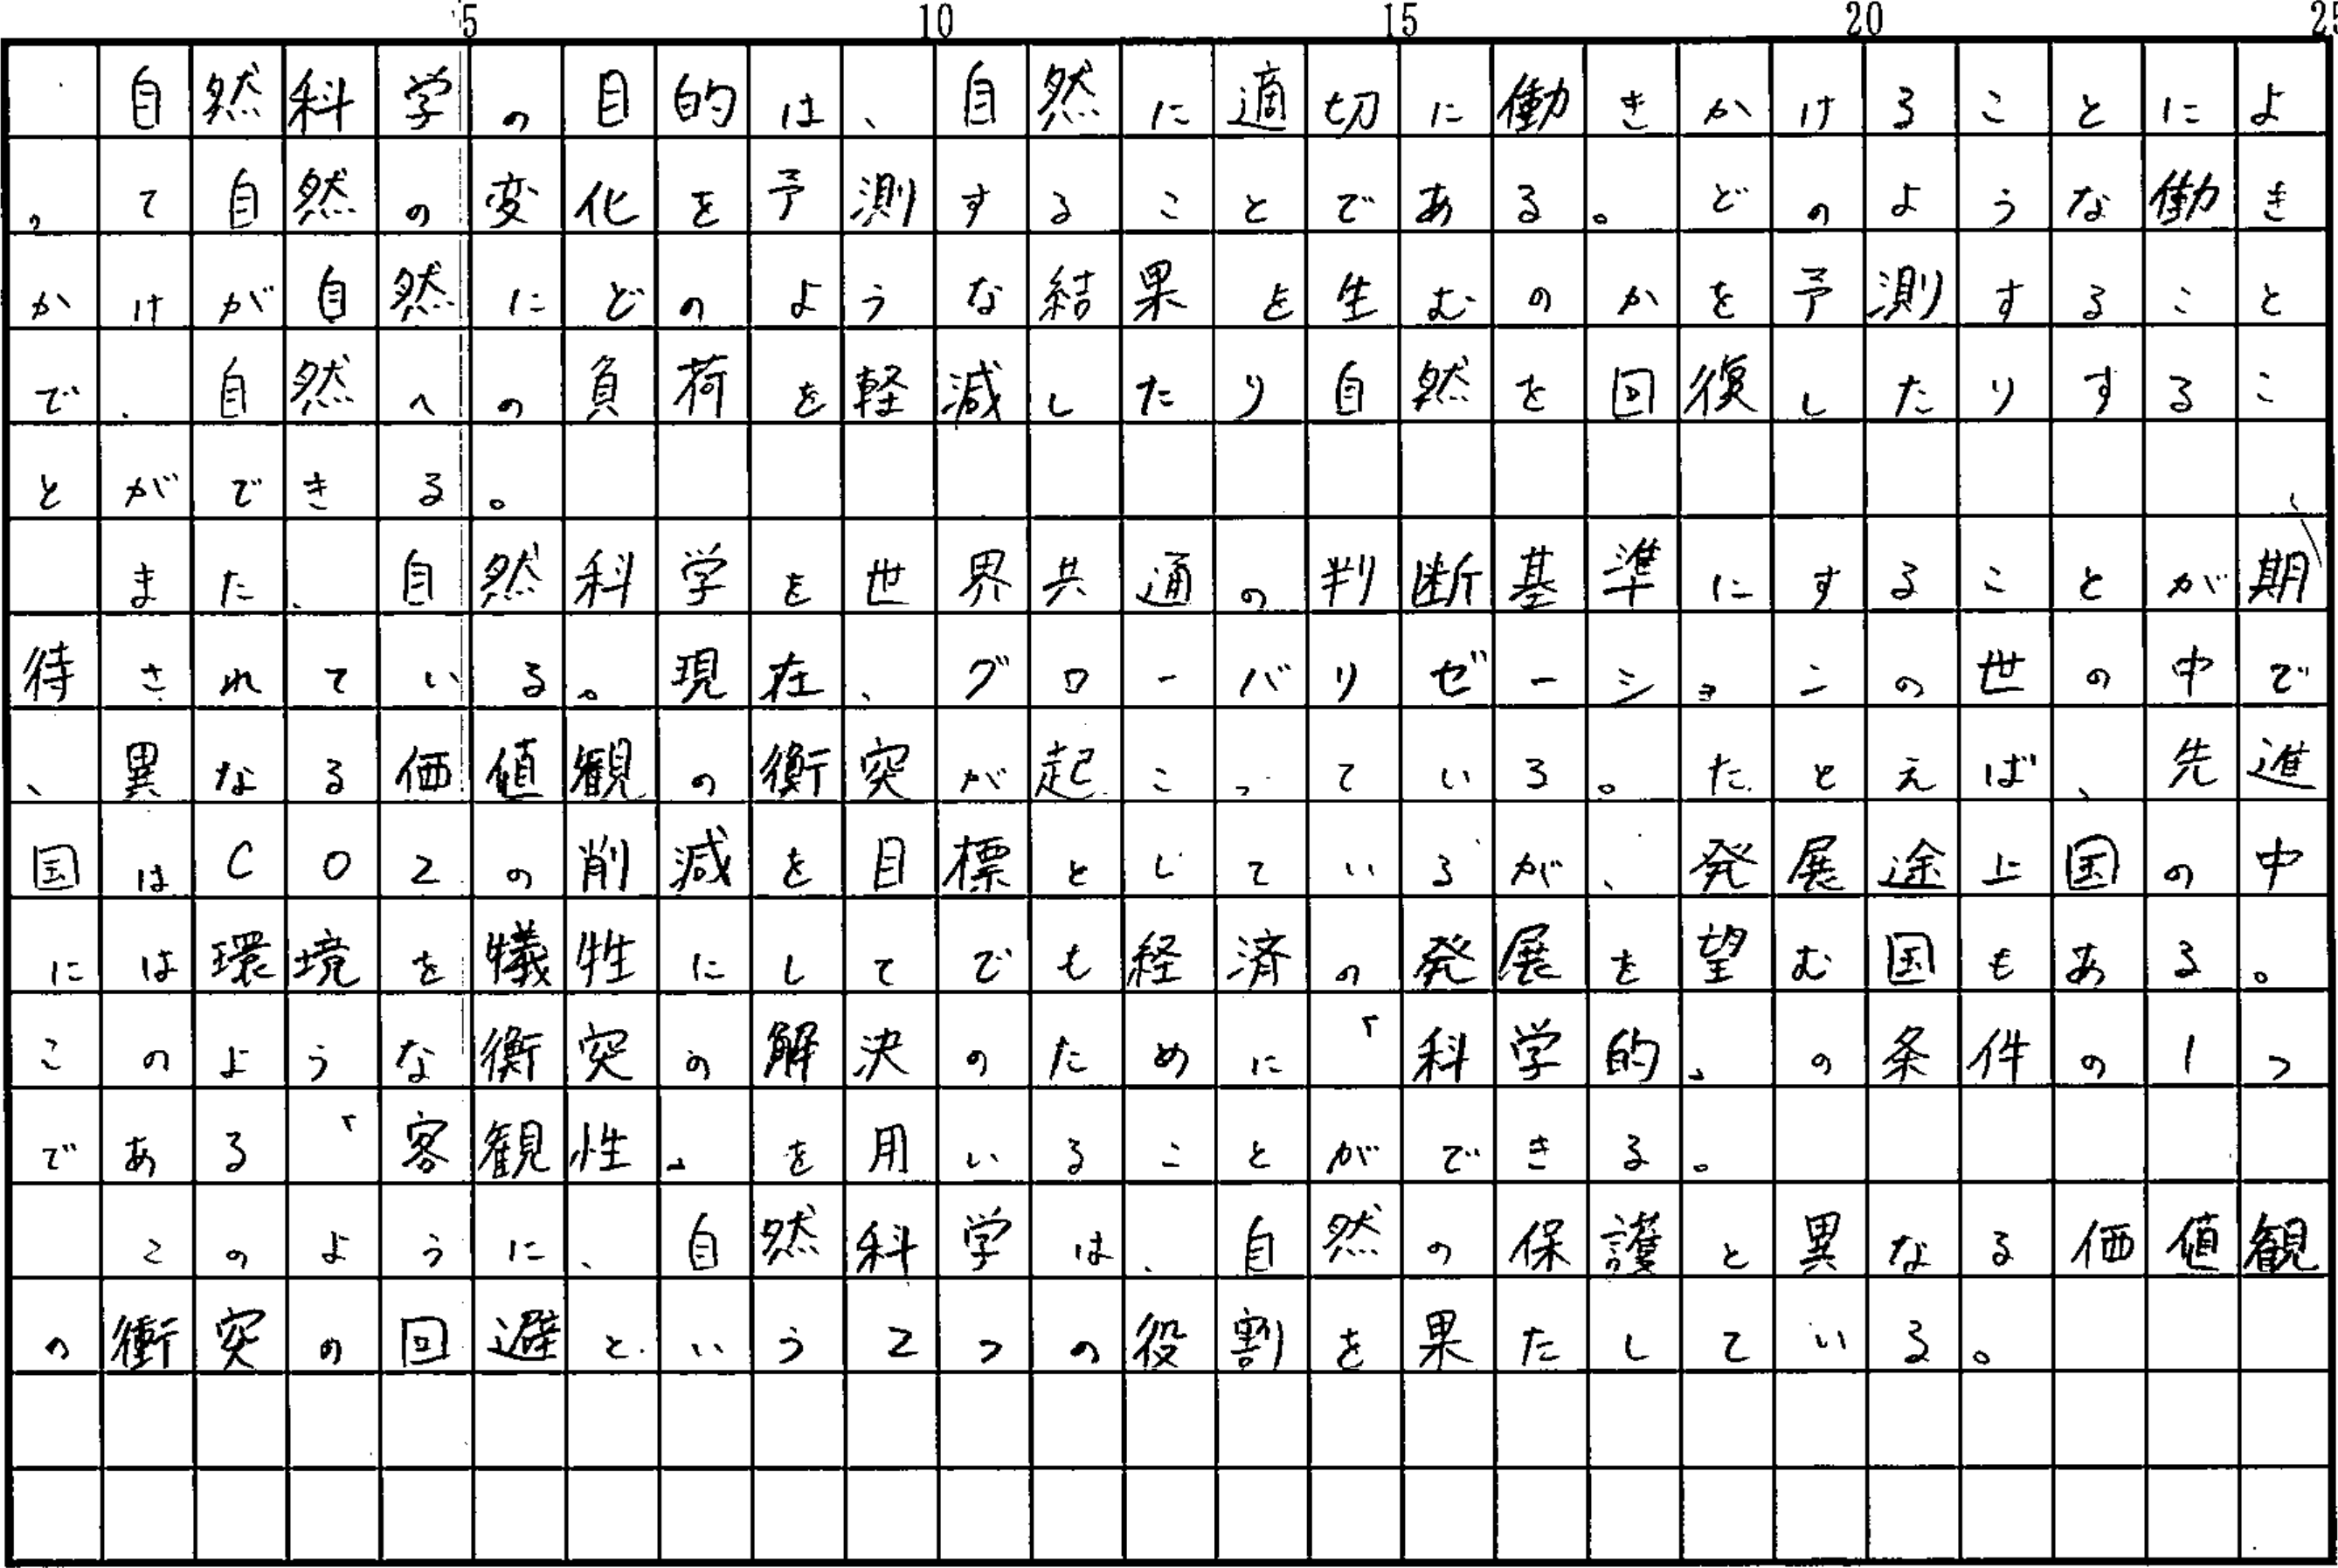　自然科学の目的は、自然に適切に働きかけることによって自然の変化を予測することである。どのような働きかけが自然にどのような結果を生むのかを予測することで、自然への負荷を軽減したり自然を回復したりすることができる。
　また、自然科学を世界共通の判断基準にすることが期待されている。現在、グローバリゼーションの世の中で、異なる価値観の衡突が起こっている。たとえば、先進国はＣＯ２の削減を目標としているが、発展途上国の中には環境を犠牲にしてでも経済の発展を望む国もある。このような衡突の解決のために「科学的」の条件の１つである「客観性」を用いることができる。
　このように、自然科学は、自然の保護と異なる価値観の衝突の回避という２つの役割を果たしている。
